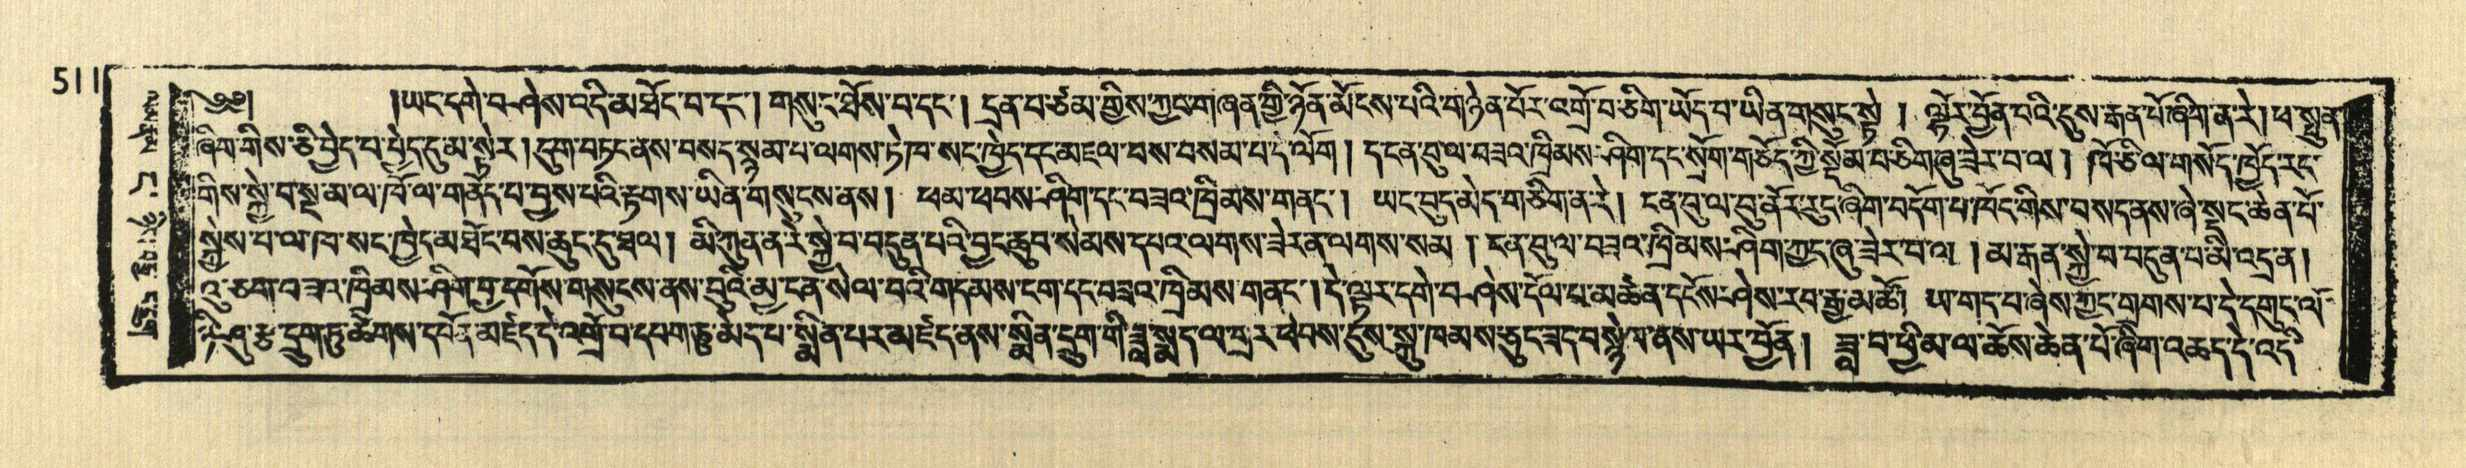༄༅། །ཡང་དགེ་བཤེས་འདི་མཐོང་བ་དང་། གསུང་ཐོས་བ་དང་། དྲན་པ་ཙམ་གྱིས་ཀྱང་གཞན་གྱི་ཉོན་མོངས་པའི་གཉེན་པོར་འགྲོ་བ་ཅིག་ཡོད་པ་ཡིན་གསུང་སྟེ། ལྷོར་བྱོན་བའི་དུས་རྒན་པོ་ཞིག་ན་རེ། ཕ་སྤུན་
ཞིག་གིས་ཅི་བྱེད་པ་བྱེད་དུ་མ་སྟེར། དུག་བཏང་ནས་བསད་སྙམ་པ་ལགས་ཏེ་ཁ་སང་ཁྱེད་དང་མཇལ་བས་བསམ་པ་དེ་ལོག །ད་ངན་བུ་ལ་བཟའ་ཁྲིམས་ཤིག་དང་སྲོག་གཅོད་ཀྱི་སྡོམ་བ་ཅིག་ཞུ་ཟེར་བ་ལ། ཁོ་ཅི་ལ་གསོད་ཁྱོད་རང་
གིས་སྐྱེ་བ་སྔ་མ་ལ་ཁོ་ལ་གནོད་པ་བྱས་པའི་རྟགས་ཡིན་གསུངས་ནས། ཕམ་ཕབས་ཤིག་དང་བཟའ་ཁྲིམས་གནང་། ཡང་བུད་མེད་གཅིག་ན་རེ། ངན་བུ་ལ་བུ་ནོར་རུང་ཞིག་བདོག་པ་ཁོང་གིས་བསད་ནས་ཞེ་སྡང་ཆེན་པོ་
སྐྱེས་པ་ལ་ཁ་སང་ཁྱེད་མཐོང་བས་ཆུང་དུ་ཐལ། མི་ཀུན་ན་རེ་སྐྱེ་བ་བདུན་པའི་བྱང་ཆུབ་སེམས་དཔའ་ལགས་ཟེར་ན་ལགས་སམ། ངན་བུ་ལ་བཟའ་ཁྲིམས་ཤིག་ཀྱང་ཞུ་ཟེར་བ་ལ། མ་རྒན་སྐྱེ་བ་བདུན་པ་མི་འདྲ་ན།
འུ་ཅག་བཟའ་ཁྲིམས་ཤིག་བྱ་དགོས་གསུངས་ནས་བུའི་མྱ་ངན་སེལ་བའི་གདམས་ངག་དང་བཟའ་ཁྲིམས་གནང་། དེ་ལྟར་དགེ་བཤེས་དོལ་པ་མཚན་དངོས་ཤེས་རབ་རྒྱ་མཚོ། ཡ་གད་པ་ཞེས་ཀྱང་གྲགས་པ་དེ་དགུང་ལོ་
ཉི་ཤུ་རྩ་དྲུག་ཏུ་ཚོགས་དཔོན་མཛད་དེ་འགྲོ་བ་དཔག་ཏུ་མེད་པ་སྨིན་པར་མཛད་ནས་སྨིན་དྲུག་གི་ཟླ་སྨད་ལ་གྲར་ཕེབས་དུས་སྐུ་ཁམས་ཅུང་ཟད་བསྙེལ་ནས་ཡར་བྱོན། ཟླ་བ་ཕྱི་མ་ལ་ཆོས་ཆེན་པོ་ཞིག་འཆད་དེ་འདི་